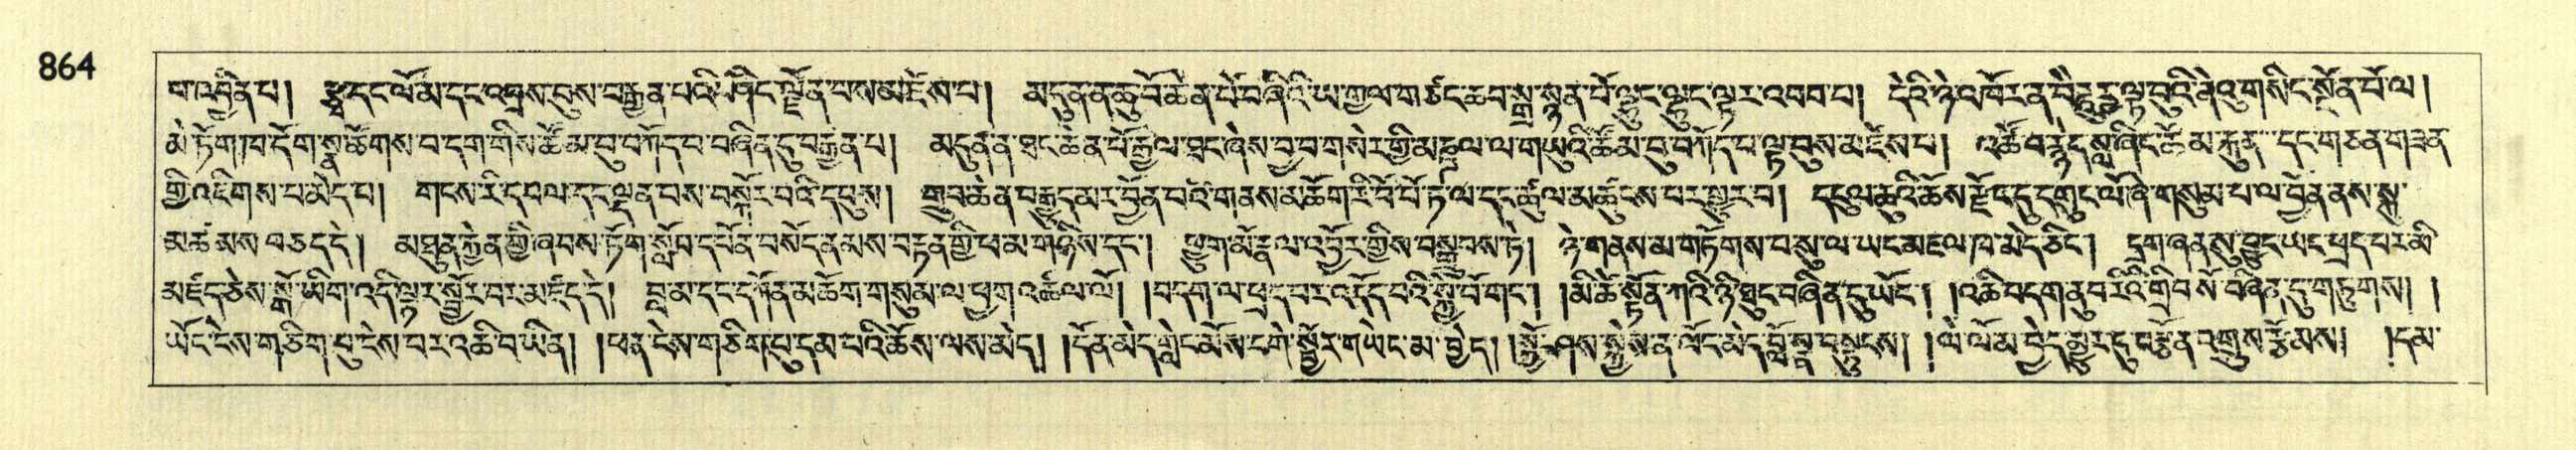པ་འབྱིན་པ། རྩྭ་དང་ལོ་མ་དང་འབྲས་བུས་བརྒྱན་པའི་ཤིང་ལྗོན་པས་མཛེས་པ། མདུན་ན་ཆུ་བོ་ཆེན་པོ་བཞིའི་ཡ་གྱལ་གཙང་ཆབ་སྒྲ་སྙན་པོ་ལྷུང་ལྷུང་ལྟར་འབབ་པ། དེའི་ཉེ་འཁོར་ན་བཻཌཱུརྱ་ལྟ་བུའི་ནེའུ་གསིང་སྔོན་པོ་ལ།
མེ་ཏོག་ཁ་དོག་སྣ་ཚོགས་བ་དག་གིས་ཚོམ་བུ་བཀོད་པ་བཞིན་དུ་བརྒྱན་པ། མདུན་ན་ཐང་ཆེན་པོ་རྒྱལ་ཐང་ཞེས་བྱ་བ་གསེར་གྱི་མཎྜལ་ལ་གཡུའི་ཚོམ་བུ་བཀོད་པ་ལྟ་བུས་མཛེས་པ། འཚོ་བ་རྙེད་སླ་ཞིང་ཚོམ་རྐུན་དང་གཅན་གཟན་
གྱི་འཇིགས་པ་མེད་པ། གངས་རི་དཔལ་དང་ལྡན་པས་བསྐོར་བའི་དབུས། གྲུབ་ཆེན་བརྒྱུད་མར་བྱོན་བའི་གནས་མཆོག་རི་བོ་པོ་ཏ་ལ་དང་ཚུལ་མཚུངས་པར་གྱུར་བ། དངུལ་ཆུའི་ཆོས་རྫོང་དུ་དགུང་ལོ་ཞེ་གསུམ་པ་ལ་བྱོན་ནས་སྐུ་
མཚམས་བཅད་དེ། མཐུན་རྐྱེན་གྱི་ཞབས་ཏོག་སློབ་དཔོན་བསོད་ནམས་བརྟན་གྱི་ཕ་མ་གཉིས་དང་། ཕྱུག་མོ་རྣལ་འབྱོར་གྱིས་བསྒྲུབས་ཏེ། ཉེ་གནས་མ་གཏོགས་བ་སུ་ལ་ཡང་མཇལ་ཁ་མེད་ཅིང་། དྲག་ཞན་སུ་བྱུང་ཡང་ཕྲད་པར་མི་
མཛད་ཅེས་སྒོ་ཡིག་འདི་ལྟར་སྦྱོར་བར་མཛད་དེ། བླ་མ་དང་དཀོན་མཆོག་གསུམ་ལ་ཕྱག་འཚལ་ལོ། །བདག་ལ་ཕྲད་བར་འདོད་བའི་སྐྱེ་བོ་གང་། །མི་ཚེ་སྟོན་ཀའི་ཉི་ཐུང་བཞིན་དུ་ཡོང་། །འཆི་བདག་ནུབ་རིའི་གྲིབ་སོ་བཞིན་དུ་གཏུགས། །
ཡོང་ངེས་གཅིག་བུ་ངེས་པར་འཆི་བ་ཡིན། །ཕན་ངེས་གཅིག་པུ་དམ་པའི་ཆོས་ལས་མེད། །དོན་མེད་གླེང་མོས་དགེ་སྦྱོར་གཡེང་མ་བྱེད། །སྐྱོ་ཤས་སྐྱེས་ན་ལོང་མེད་བློ་སྣ་བསྟུངས། །ལེ་ལོམ་བྱེད་མྱུར་དུ་བརྩོན་འགྲུས་རྩོམས། །དམ་